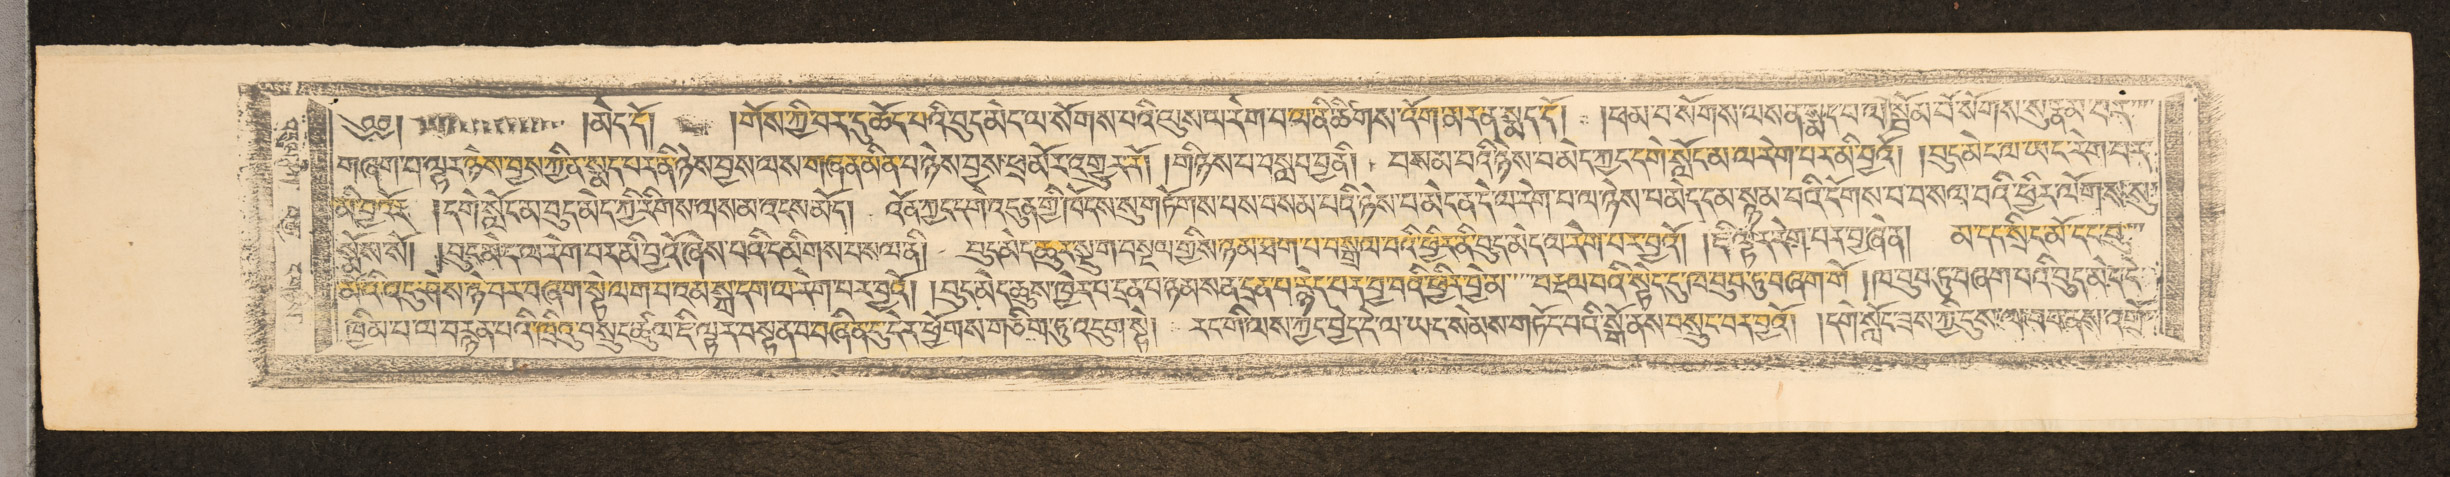༄༅། །མེད་དོ། །གོས་ཀྱི་བར་དུ་ཆོད་པའི་བུད་མེད་ལ་སོགས་པའི་ལུས་ལ་རེག་པ་ལ་ནི་ཚིགས་འོག་མར་ན་སྨད་དོ། །ཕམ་པ་སོགས་ལས་ན་སྨད་པ་ལ་སྦོམ་པོ་སོགས་སུ་རྣམ་པར་
གཞག་པ་ལྟར་ཉེས་བྱས་ཀྱི་ན་སྨད་པར་ནི་ཉེས་བྱས་ལས་གཞན་མིན་པ་ཉེས་བྱས་ཕྲ་མོར་འགྱུར་རོ། །གཉིས་པ་བསླབ་བྱ་ནི། བསམ་པའི་ཉེས་པ་མེད་ཀྱང་དགེ་སློང་མ་ལ་རེག་པར་མི་བྱའོ། །བུད་མེད་ལ་ཡང་རེག་པར་
མི་བྱའོ༑ །དགེ་སློང་མ་བུད་མེད་ཀྱི་རིགས་ལས་མ་འདས་མོད། འོན་ཀྱང་དགེ་འདུན་གྱི་ཁོངས་སུ་གཏོགས་པས་བསམ་པའི་ཉེས་པ་མེད་ན་དེ་ལ་རེག་པ་ལ་ཉེས་པ་མེད་དམ་སྙམ་པའི་དོགས་པ་བསལ་བའི་ཕྱིར་ལོགས་སུ་
སྨོས་སོ། །བུད་མེད་ལ་རེག་པར་མི་བྱའོ་ཞེས་པའི་དམིགས་བསལ་ནི། བུད་མེད་ཆུར་སྡུག་བསྔལ་གྱིས་ཉམ་ཐག་པ་བསྒྲལ་བའི་ཕྱིར་ནི་བུད་མེད་ལ་རེག་པར་བྱའོ། །ཇི་ལྟར་རེག་པར་བྱ་ཞེ་ན། མ་དང་སྲིད་མོ་དང་བུ་
མོའི་འདུ་ཤེས་ཉེ་བར་བཞག་སྟེ་ལག་པའམ་སྐྲ་དག་ལ་རེག་པར་བྱའོ། །བུད་མེད་ཆུས་ཁྱེར་བ་དྲན་པ་ཉམས་ན་དྲན་པ་རྙེད་པར་བྱ་བའི་ཕྱིར་བྱེ་མ་བརྡལ་བའི་སྟེང་དུ་ཁ་བུབ་ཏུ་བཞག་གོ །ཁ་བུབ་ཏུ་བཞག་པའི་བུད་མེད་དེ་
ཁྱིམ་པ་ལ་བརྙན་པའི་ཁྲིའུ་བསྲུང་ཚུལ་ཇི་ལྟར་བསྟན་པ་བཞིན་དུ་དེར་ཕྱོགས་གཅིག་ཏུ་འདུག་སྟེ། རང་གི་ལས་ཀྱང་བྱེད་དེ་ལ་ཡང་སེམས་གཏོད་པའི་སྒོ་ནས་བསྲུང་བར་བྱའོ། །དགེ་སློང་ཟས་ཀྱི་དུས་ལ་བབ་ནས་འགྲོ་